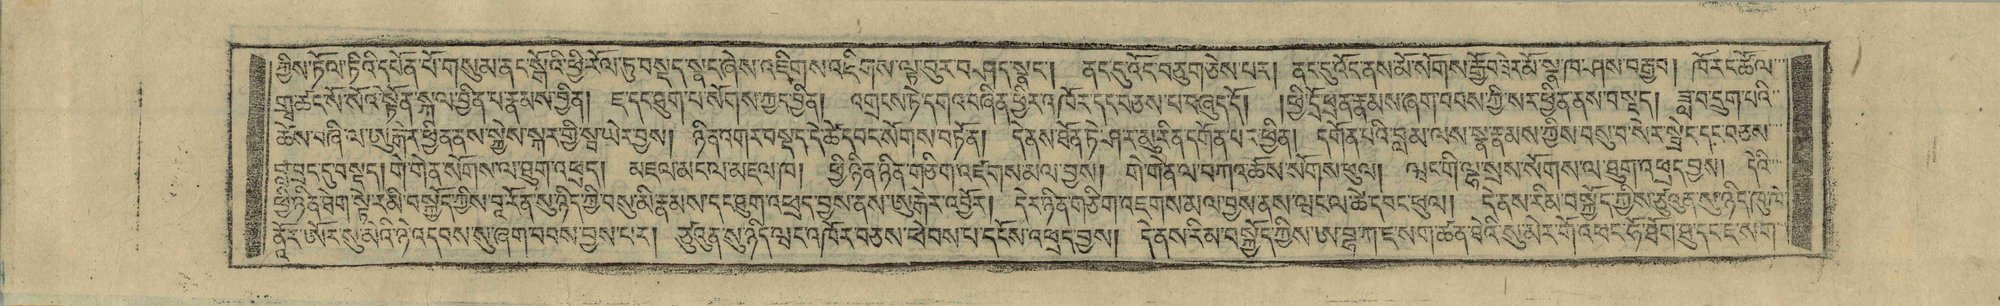ཀྱིས་ཏོལ་ཏིའི་དཔོན་པོ་གསུམ་ནང་སྒོའི་ཕྱི་རོལ་ཏུ་བསྡད་སྣང་ཞེས་འཇིགས་འཇིགས་ལྟ་བུར་བཤད་སྣང་། ནང་དུ་འོང་བཅུག་ཅེས་པར། ནང་དུ་འོང་ནས་མོ་སོགས་རྒྱོབ་ཟེར་མོ་སྣ་ཁ་ཤས་བརྒྱབ། ཁོ་རང་ཚོལ་
གྲྭ་ཚང་སོ་སོའི་སྟོན་སྐལ་བྱིན་པ་རྣམས་བྱིན། ཇ་དང་ཐུག་པ་སོགས་ཀྱང་བྱིན། འགྲངས་ཏེ་དགའ་བཞིན་ཕྱིར་འཁོར་དང་བཅས་པ་བཞུད་དོ། །ཕྱི་དྲོ་ཕྲན་རྣམས་ཞག་བབས་ཀྱི་སར་ཕྱིན་ནས་བསྡད། ཟླ་བ་དྲུག་པའི་
ཚེས་བཞི་ལ་ཨུ་རྒེར་ཕྱིན་ནས་སྐྱེས་སྐར་གྱི་སྦ་ཡེར་བྱས། ཉིན་འགར་བསྡད་དེ་ཚེ་དབང་སོགས་བཏོན། དེ་ནས་ཐོན་ཏེ་ཤ་ར་མུ་རིན་དགོན་པར་ཕྱིན། དགོན་པའི་བླ་མ་ལས་སྣ་རྣམས་ཀྱིས་བསུ་བ་སེར་སྦྲེང་དང་བཅས་
བླ་བྲང་དུ་བསྡད། གེ་གེན་སོགས་ལ་ཐུག་འཕྲད། མཇལ་མང་ལ་མཇལ་ཁ། ཕྱི་ཉིན་ཉིན་གཅིག་འཛགས་མལ་བྱས། གེ་གེན་ལ་བཀའ་ཆོས་སོགས་ཕུལ། ཝང་གི་ལྷ་སྲས་སོགས་ལ་ཐུག་འཕྲད་བྱས། དེའི་
ཕྱི་ཉིན་ཐེག་སྟེ་རིམ་བསྐྱོད་ཀྱིས་བཱ་རོན་སུ་ཉིད་ཀྱི་བསུ་མི་རྣམས་དང་ཐུག་འཕྲད་བྱས་ནས་ཨུ་རྒེར་འབྱོར། དེར་ཉིན་གཅིག་འཇགས་མལ་བྱས་ནས་ཝང་ལ་ཚེ་དབང་ཕུལ། དེ་ནས་རིམ་བསྐྱོད་ཀྱིས་ཙུའུན་སུ་ཉིད་ཁུ་ཁེ་
ནOར་ཨོར་སུ་མེའི་ཉེ་འདབས་སུ་ཞག་བབས་བྱས་པར། ཙུའུན་སུ་ཉིད་ཝང་འཁོར་བཅས་ཕེབས་པ་དངོས་འཕྲད་བྱས། དེ་ནས་རིམ་བསྐྱོད་ཀྱིས་ཨ་བྷ་ཀ་ཇ་སག་ཚན་ཐེའི་སུ་མེར་གོ་འཕང་ཧོ་ཐོག་ཐུ་དང་ཇ་སག་